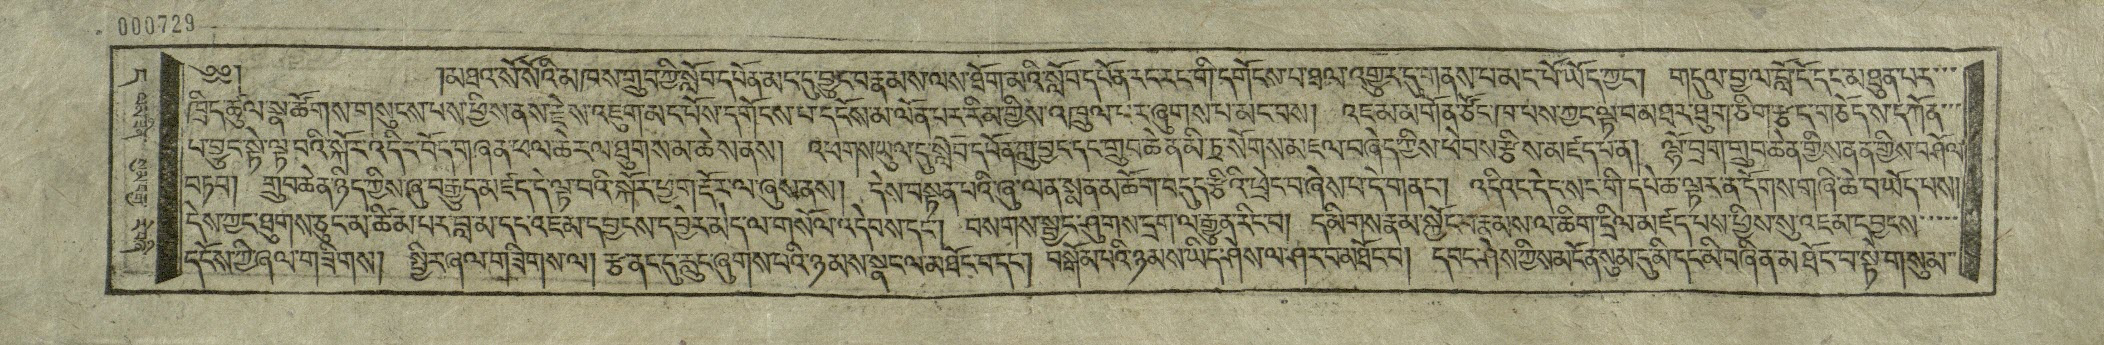༄༅། །མཐའ་སོ་སོའི་མཁས་གྲུབ་ཀྱི་སློབ་དཔོན་མང་དུ་བྱུང་བ་རྣམས་ལས་ཐོག་མའི་སློབ་དཔོན་རང་རང་གི་དགོངས་པ་ཐལ་འགྱུར་དུ་གནས་པ་མང་པོ་ཡོད་ཀྱང་། གདུལ་བྱ་ལ་བློ་ངོ་དང་མཐུན་པར་
ཁྲིད་ཚུལ་སྣ་ཚོགས་གསུངས་པས་ཕྱིས་ནས་རྗེས་འཇུག་མང་པོས་དགོངས་པ་དངོས་མ་ལོན་པར་རིམ་གྱིས་འཁྲུལ་པར་ཞུགས་པ་མང་བས། འཇམ་མགོན་ཙོང་ཁ་པས་ཀྱང་ལྟ་བ་མཐར་ཐུག་ཅིག་རྩད་གཅོད་ས་དཀོན་
པ་བྱུང་སྟེ་ལྟ་བའི་སྐོར་འདིར་བོད་གཞན་ཕལ་ཆེར་ལ་ཐུགས་མ་ཆེས་ནས། འཕགས་ཡུལ་དུ་སློབ་དཔོན་ཀླུ་བྱང་དང་གྲུབ་ཆེན་མི་ཏྲ་སོགས་མཇལ་བཞེད་ཀྱིས་ཕེབས་རྩིས་མཛད་པ་ན། ལྷོ་བྲག་གྲུབ་ཆེན་གྱིས་ནན་གྱིས་བཤོལ་
བཏབ། གྲུབ་ཆེན་ཉིད་ཀྱིས་ཞུ་བརྒྱུད་མཛད་དེ་ལྟ་བའི་སྐོར་ཕྱག་རྡོར་ལ་ཞུས་ནས། དེས་བསྟན་པའི་ཞུ་ལན་སྨན་མཆོག་བདུད་རྩིའི་ཕྲེང་བ་ཞེས་པ་དེ་གནང་། འདིའང་དེང་སང་གི་དཔེ་ཆ་ལྟར་ན་དོགས་གཞི་ཆེ་བ་ཡོད་པས།
དེས་ཀྱང་ཐུགས་ཅུང་མ་ཚིམ་པར་བླ་མ་དང་འཇམ་དབྱངས་དབྱེར་མེད་ལ་གསོལ་འདེབས་དང་། བསགས་སྦྱང་ཤུགས་དྲག་ལ་རྒྱུན་རིང་བ། དམིགས་རྣམ་སྐྱོང་བ་རྣམས་ལ་ཆིག་དྲིལ་མཛད་པས་ཕྱིས་སུ་འཇམ་དབྱངས་
དངོས་ཀྱི་ཞལ་གཟིགས། སྤྱིར་ཞལ་གཟིགས་ལ། རྩ་ནང་དུ་རླུང་ཞུགས་པའི་ཉམས་སྣང་ལ་མཐོང་བ་དང་། བསྒོམ་པའི་ཉམས་ཡིད་ཤེས་ལ་ཤར་བ་མཐོང་བ། དབང་ཤེས་ཀྱིས་མངོན་སུམ་དུ་མི་དང་མི་བཞིན་མཐོང་བ་སྟེ་གསུམ་